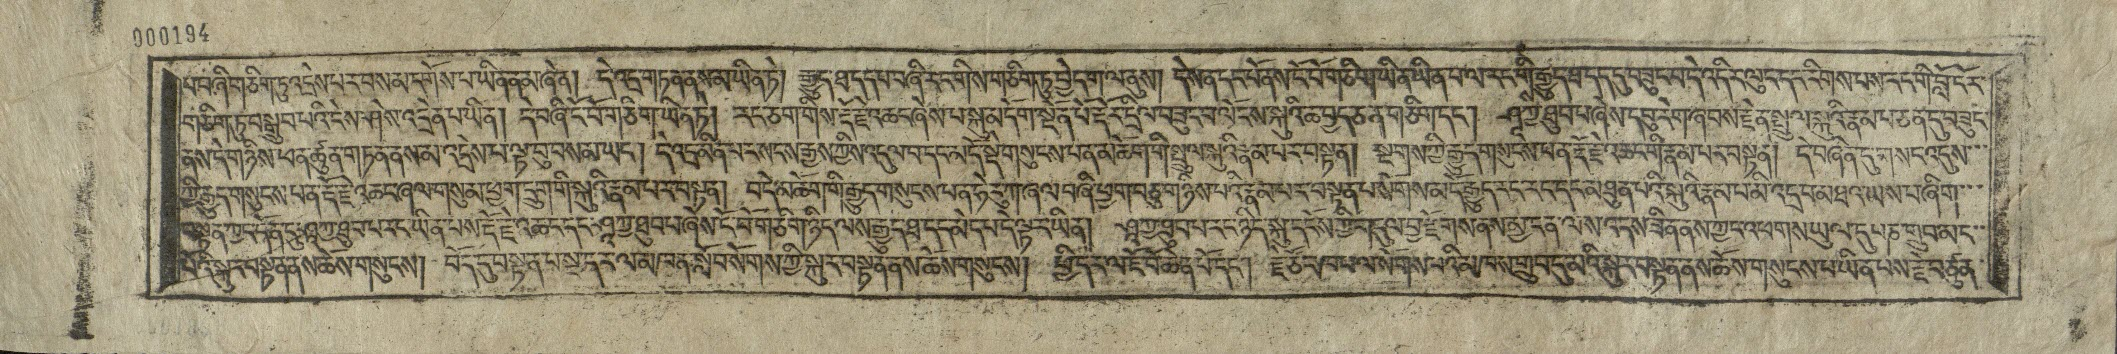པ་བཞི་གཅིག་ཏུ་འདྲེས་པར་བསམ་དགོས་པ་ཡིན་ནམ་ཞེ་ན། དེ་འདྲ་གཏན་ནས་མ་ཡིན་ཏེ། རྒྱུད་ཐ་དད་པ་བཞི་རང་གིས་གཅིག་ཏུ་བྱེད་ག་ལ་ནུས། དེས་ན་དང་པོ་ནས་ངོ་བོ་གཅིག་ཡིན་ཡིན་པ་ལ་རང་གི་རྒྱུད་ཐ་དད་དུ་བཟུང་བ་དེ་འདིར་ལུང་དང་རིགས་པས་རང་གི་བློ་ངོར་
གཅིག་ཏུ་བསྒྲུབ་པའི་ངེས་ཤེས་འདྲེན་པ་ཡིན། དེ་བཞི་ངོ་བོ་གཅིག་ཡིན་ཏེ། རང་ཅག་གིས་རྡོ་རྗེ་འཆང་ཞེས་པ་སྐུ་མདོག་སྔོན་པོ་རྡོར་དྲིལ་བཟུང་བ་ལོངས་སྐུའི་ཆ་བྱད་ཅན་གཅིག་དང་། ཤཱཀྱ་ཐུབ་པ་ཞེས་དབུ་རེག་ཞབས་རྗེན་སྤྲུལ་སྐུའི་རྣམ་པ་ཅན་དུ་བཟུང་
ནས་དེ་གཉིས་ཕན་ཚུན་གཏན་ནས་མ་འདྲེས་པ་ལྟ་བུ་བསམ་ཡང་། དེ་འདྲ་མིན་པར་སངས་རྒྱས་ཀྱིས་འདུལ་བ་དང་མདོ་སྡེ་གསུངས་པན་མཆོག་གི་སྤྲུལ་སྐུའི་རྣམ་པར་བསྟན། སྔགས་ཀྱི་རྒྱུད་གསུངས་པ་ན་རྡོ་རྗེ་འཆང་གི་རྣམ་པར་བསྟན། དེ་བཞིན་དུ་གསང་འདུས་
ཀྱི་རྒྱུད་གསུངས་པ་ན་རྡོ་རྗེ་འཆང་ཞལ་གསུམ་ཕྱག་དྲུག་གི་སྐུའི་རྣམ་པར་བསྟན། བདེ་མཆོག་གི་རྒྱུད་གསུངས་པ་ན་ཧེ་རུ་ཀ་ཞལ་བཞི་ཕྱག་བཅུ་གཉིས་པའི་རྣམ་པར་བསྟན་པ་སོགས་མདོ་རྒྱུད་རང་རང་དང་མཐུན་པའི་སྐུའི་རྣམ་པ་མི་འདྲ་བ་མཐའ་ཡས་པ་ཞིག་
བསྟན་ཀྱང་དོན་དུ་ཤཱཀྱ་ཐུབ་པ་རང་ཡིན་པས་རྡོ་རྗེ་འཆང་དང་ཤཱཀྱ་ཐུབ་པ་ཞེས་ངོ་བོ་གཅིག་ཉིད་ལས་རྒྱུད་ཐ་དད་མེད་པ་དེ་ལྟར་ཡིན། ཤཱཀྱ་ཐུབ་པ་རང་ཉིད་སྐུ་དངོས་ཀྱི་གདུལ་བྱ་རྫོགས་ནས་མྱ་ངན་ལས་འདས་ཟིན་ནས་ཀྱང་འཕགས་ཡུལ་དུ་པཎ་གྲུབ་མང་
པོའི་སྐུར་བསྟན་ནས་ཆོས་གསུངས། བོད་དུ་བསྟན་པ་སྔ་དར་ལ་མཁན་སློབ་སོགས་ཀྱི་སྐུར་བསྟན་ནས་ཆོས་གསུངས། ཕྱི་དར་ལ་ཇོ་བོ་ཆེན་པོ་དང་། རྗེ་ཙོང་ཁ་པ་ལ་སོགས་པའི་མཁས་གྲུབ་དུ་མའི་སྐུར་བསྟན་ནས་ཆོས་གསུངས་པ་ཡིན་པས་རྗེ་བཙུན་